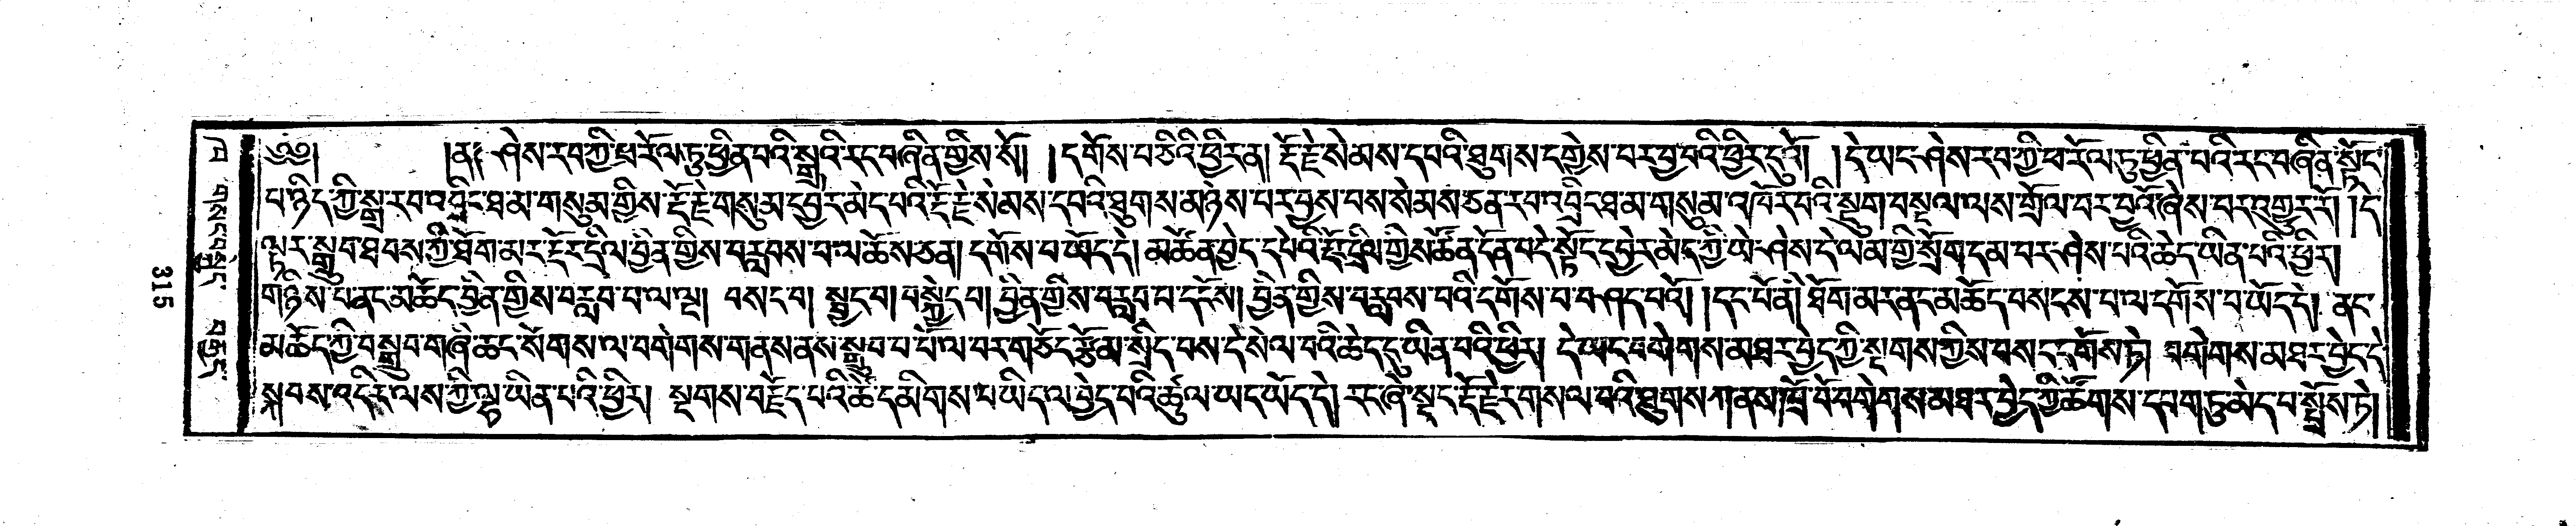༄༅། །ན༑ ཤེས་རབ་ཀྱི་ཕ་རོལ་ཏུ་ཕྱིན་པའི་སྒྲའི་རང་བཞིན་གྱིས་སོ། །དགོས་པ་ཅིའི་ཕྱིར་ན། རྡོ་རྗེ་སེམས་དཔའི་ཐུགས་དགྱེས་པར་བྱ་བའི་ཕྱིར་དུའོ། །དེ་ཡང་ཤེས་རབ་ཀྱི་ཕ་རོལ་ཏུ་ཕྱིན་པའི་རང་བཞིན་སྟོང་
པ་ཉིད་ཀྱི་སྒྲ་རབ་འབྲིང་ཐ་མ་གསུམ་གྱིས་རྡོ་རྗེ་གསུམ་དབྱེར་མེད་པའི་རྡོ་རྗེ་སེམས་དཔའི་ཐུགས་མཉེས་པར་བྱས་པས་སེམས་ཅན་རབ་འབྲིང་ཐ་མ་གསུམ་འཁོར་བའི་སྡུག་བསྔལ་ལས་གྲོལ་བར་བྱའོ་ཞེས་པར་འགྱུར་རོ། །དེ་
ལྟར་སྒྲུབ་ཐབས་ཀྱི་ཐོག་མར་རྡོར་དྲིལ་བྱིན་གྱིས་བརླབས་པ་ལ་ཆོས་ཅན། དགོས་པ་ཡོད་དེ། མཚོན་བྱེད་དཔེའི་རྡོར་དྲིལ་གྱིས་ཚོན་དོན་བདེ་སྟོང་དབྱེར་མེད་ཀྱི་ཡེ་ཤེས་དེ་ལམ་གྱི་སྲོག་དམ་པར་ཤེས་པའི་ཆེད་ཡིན་པའི་ཕྱིར།
གཉིས་པ་ནང་མཆོད་བྱིན་གྱིས་བརླབ་པ་ལ་ལྔ། བསང་བ། སྦྱང་བ། བསྐྱེད་པ། བྱིན་གྱིས་བརླབ་པ་དངོས། བྱིན་གྱིས་བརླབས་པའི་དགོས་པ་བཤད་པའོ། །དང་པོ་ནི། ཐོག་མར་ནང་མཆོད་བསངས་བ་ལ་དགོས་པ་ཡོད་དེ། ནང་
མཆོད་ཀྱི་བསྒྲུབ་གཞི་ཆང་སོགས་ལ་བགེགས་གནས་ནས་སྒྲུབ་པ་པོ་ལ་བར་གཅོད་རྩོམ་སྲིད་པས་དེ་སེལ་བའི་ཆེད་དུ་ཡིན་པའི་ཕྱིར། དེ་ཡང་བགེགས་མཐར་བྱེད་ཀྱི་སྔགས་ཀྱིས་བསང་དགོས་ཏེ། བགེགས་མཐར་བྱེད་དེ་
སྐབས་འདིར་ལས་ཀྱི་ལྷ་ཡིན་པའི་ཕྱིར། སྔགས་བརྗོད་པའི་ཚེ་དམིགས་པ་ཡིད་ལ་བྱེད་པའི་ཚུལ་ཡང་ཡོད་དེ། རང་ཞེ་སྡང་རྡོ་རྗེར་གསལ་བའི་ཐུགས་ཀ་ནས་ཁྲོ་བོ་བགེགས་མཐར་བྱེད་ཀྱི་ཚོགས་དཔག་ཏུ་མེད་པ་སྤྲོས་ཏེ།